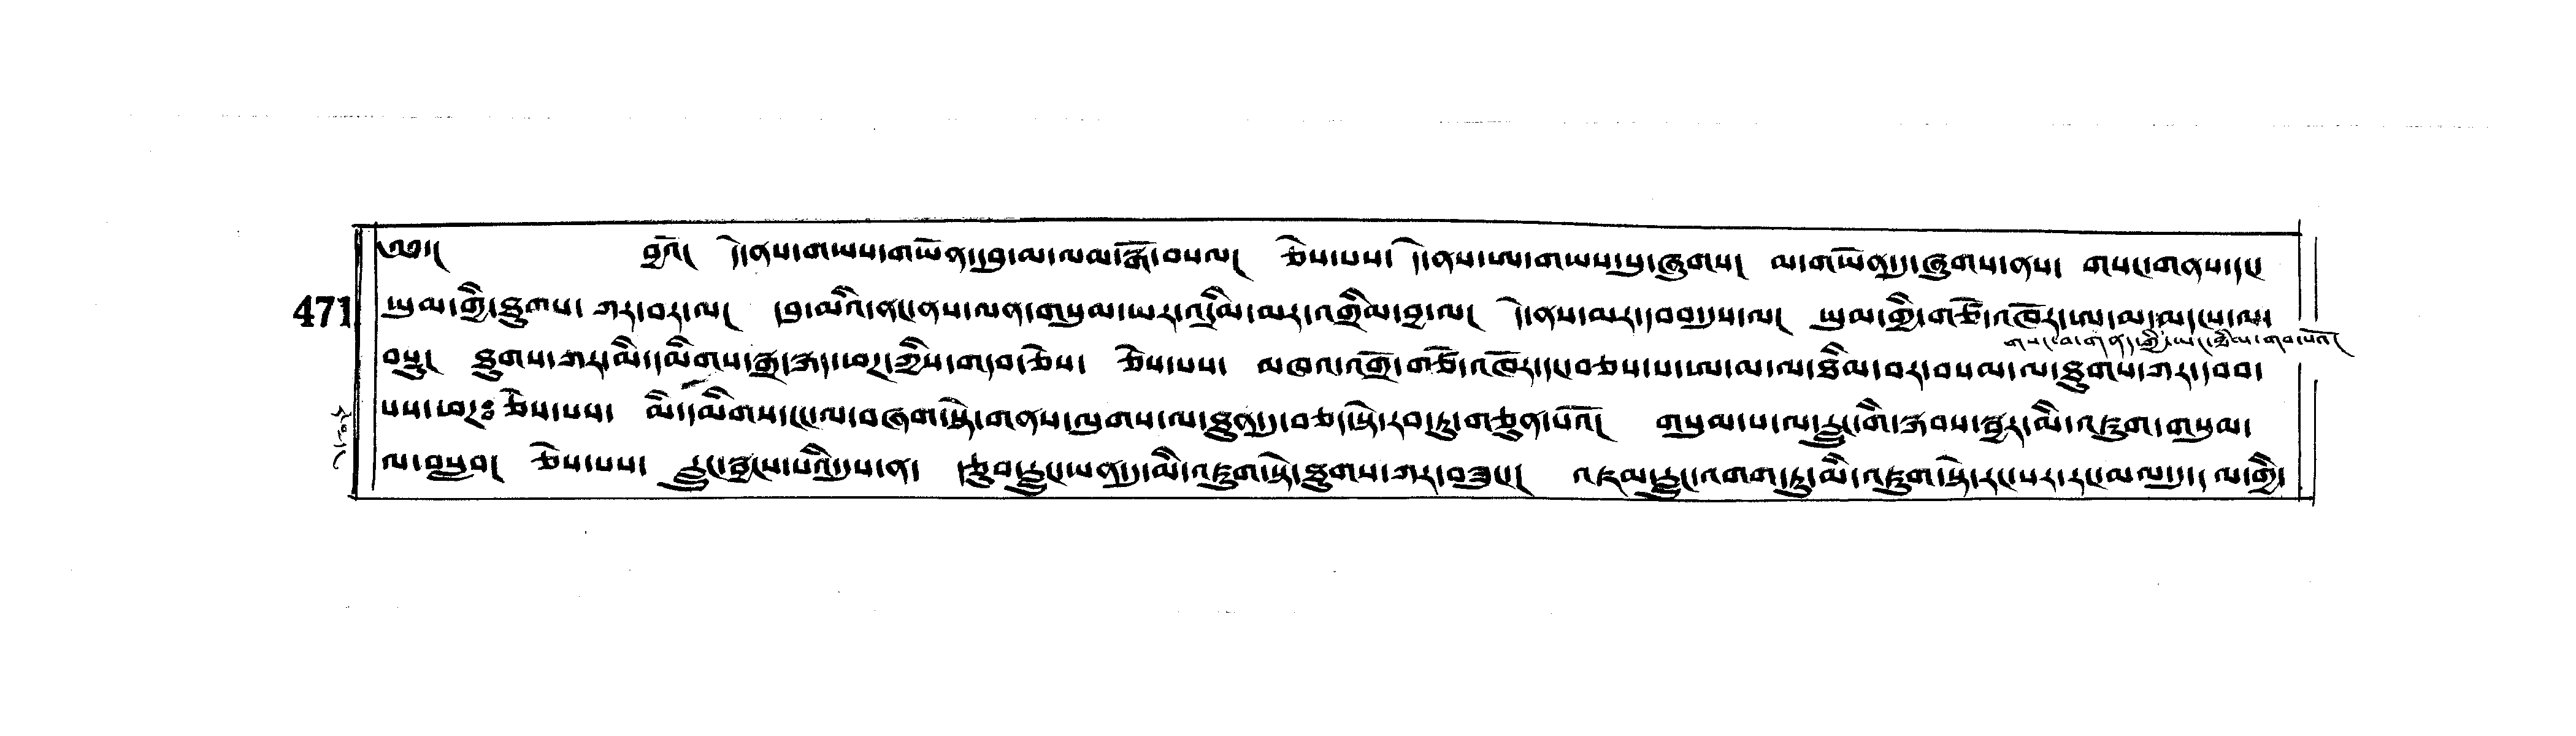བྱའོ། དེ་ནས་གཡས་གཡོན་དབུ་མ་ལམ་སྒོ་བསལ། ཅེས་པས། དེ་ནས་ཨ་གཡས་སུ་ཞུགས། མ་གཡོན་དུ་ཞུགས་ནས། གསང་གནས་དང་
ཡུམ་གྱི་ཐུགས་ཀར་བར་ལ། དབུ་མའི་ནང་ནས་ལན་གསུམ་ཡར་འདྲིལ་མར་འགྲིམ་བྱ་ལ། དེ་ནས་མར་དབབ་དུས་ལ། ཡུམ་གྱི་གཙོ་འཁོར་ཨ་མ་མདངས་ལ་
བསྡུ། ཐུགས་ཀར་མི་དམིགས་སྒྲ་སྐད་ཕཊཿཀྱིས་གདབ། ཅེས་པས། མཁའ་འགྲོ་གཙོ་འཁོར་དང་བཅས་པ་ཨ་མ་ལ་ཐིམ་པར་བསམ་ལ། ཐུགས་ཀར་དབབ་
པས་ཕཊཿཅེས་པས། མི་དམིགས་པའི་ངང་ལ་བཞག་སྟེ་གནས་ལུགས་ལ་ཐུན་དུ་བཅད་དེ་རབ་ཏུ་གཅུན་པའོ། གསུམ་པ་ལ་རླུང་གི་སྐབས་སྦྱར་མི་འཇུག་གསུམ་
ལ་བསླབ། ཅེས་པས། རླུང་སྦྱངས་པའི་དུས་ན། རྩུབ་རླུང་ཡན་དུ་མི་འཇུག་སྟེ་ཐུགས་ཁར་བཟུང་། འཇམ་རླུང་འགག་ཏུ་མི་འཇུག་སྟེ་རང་སར་རང་མལ་དུ་དལ་གྱི་